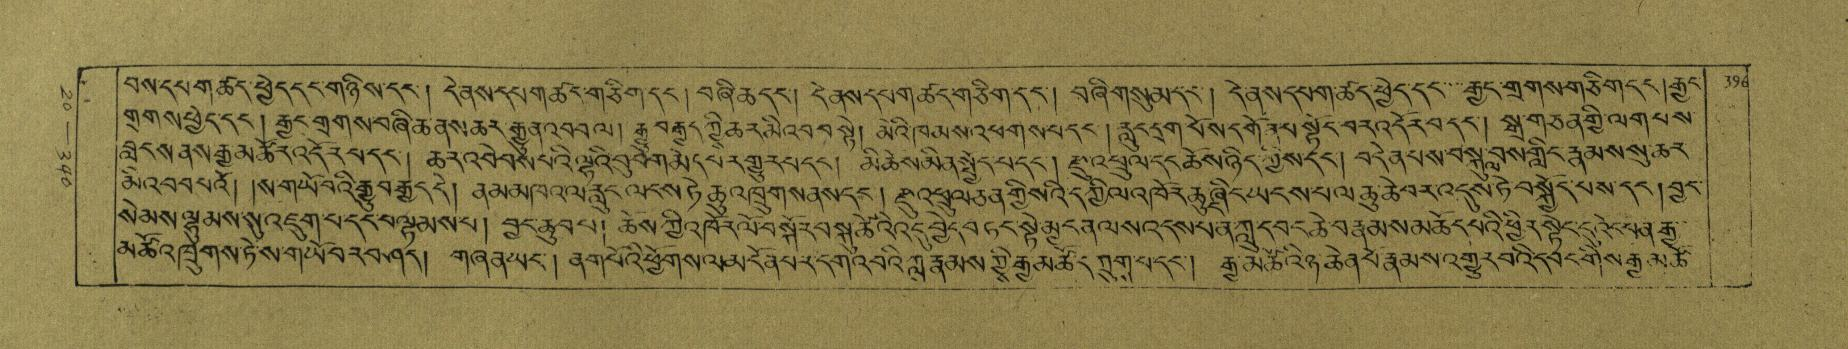བས་དཔག་ཚད་ཕྱེད་དང་གཉིས་དང་། དེ་ནས་དཔག་ཚད་གཅིག་དང་། བཞི་ཆ་དང་། དེ་ནས་དཔག་ཚད་གཅིག་དང་། བཞི་གསུམ་དང་། དེ་ནས་དཔག་ཚད་ཕྱེད་དང་རྒྱད་གྲགས་གཅིག་དང་། རྒྱད་
གྲགས་ཕྱེད་དང་། རྒྱང་གྲགས་བཞི་ཆ་ནས་ཆར་རྒྱུན་འབབ་ལ། རྒྱུ་བརྒྱད་ཀྱིས་ཆར་མི་འབབ་སྟེ། མེའི་ཁམས་འཕགས་པ་དང་། རླུང་དྲག་པོས་དགོན་པ་སྟོང་བར་འདོར་བ་དང་། སྒྲ་གཅན་གྱི་ལག་པས་
བླངས་ནས་རྒྱ་མཚོར་འདོར་པ་དང་། ཆར་འབེབས་པའི་ལྷའི་བུ་བག་མེད་པར་གྱུར་པ་དང་། མི་ཆོས་མིན་སྤྱོད་པ་དང་། རྫུ་འཕྲུལ་དང་ཆོས་ཉིད་ཉིས་དང་། བདེན་པས་བསྐུལ་བས་གླིང་རྣམས་སུ་ཆར་
མི་འབབ་པའོ། །ས་གཡོ་བའི་རྒྱུ་བརྒྱད་དེ། ནམ་མཁའ་ལ་རླུང་ལངས་ཏེ་ཆུ་འཁྲུགས་ནས་དང་། རྫུ་འཕྲུལ་ཅན་གྱིསཱི་དཀྱིལ་འཁོར་ཆུང་ཞིང་ཡངས་པ་ལ་ཆུ་ཆེ་བར་འདུས་ཏེ་བསྐྱོད་པས་དང་། བྱང་
སེམས་ལྷུམས་སུ་འཇུག་པ་དང་བལྟམས་པ། བྱང་ཆུབ་པ། ཆོས་ཀྱི་འཁོར་ལོ་བསྐོར་བ་སྐུ་ཚེའི་འདུ་བྱེད་བཏང་སྟེ་མྱ་ངན་ལས་འདས་པ་ན་ཀླུ་དབང་ཆེ་བ་རྣམས་མཆོད་པའི་ཕྱིར་སྟེང་དུ་འོང་པ་ན་རྒྱ་
མཚོ་འཁྲུགས་ཏེ་ས་གཡོ་བར་བཤད། གཞན་ཡང་། ནག་པོའི་ཕྱོགས་ལ་མངོན་པར་དགའ་བའི་ཀླུ་རྣམས་ཀྱིས་རྒྱ་མཚོ་དཀྲུགས་པ་དང་། རྒྱ་མཚོའི་ཉ་ཆེན་པོ་རྣམས་འགྱུར་བའི་དབང་གིས་རྒྱ་མཚོ་